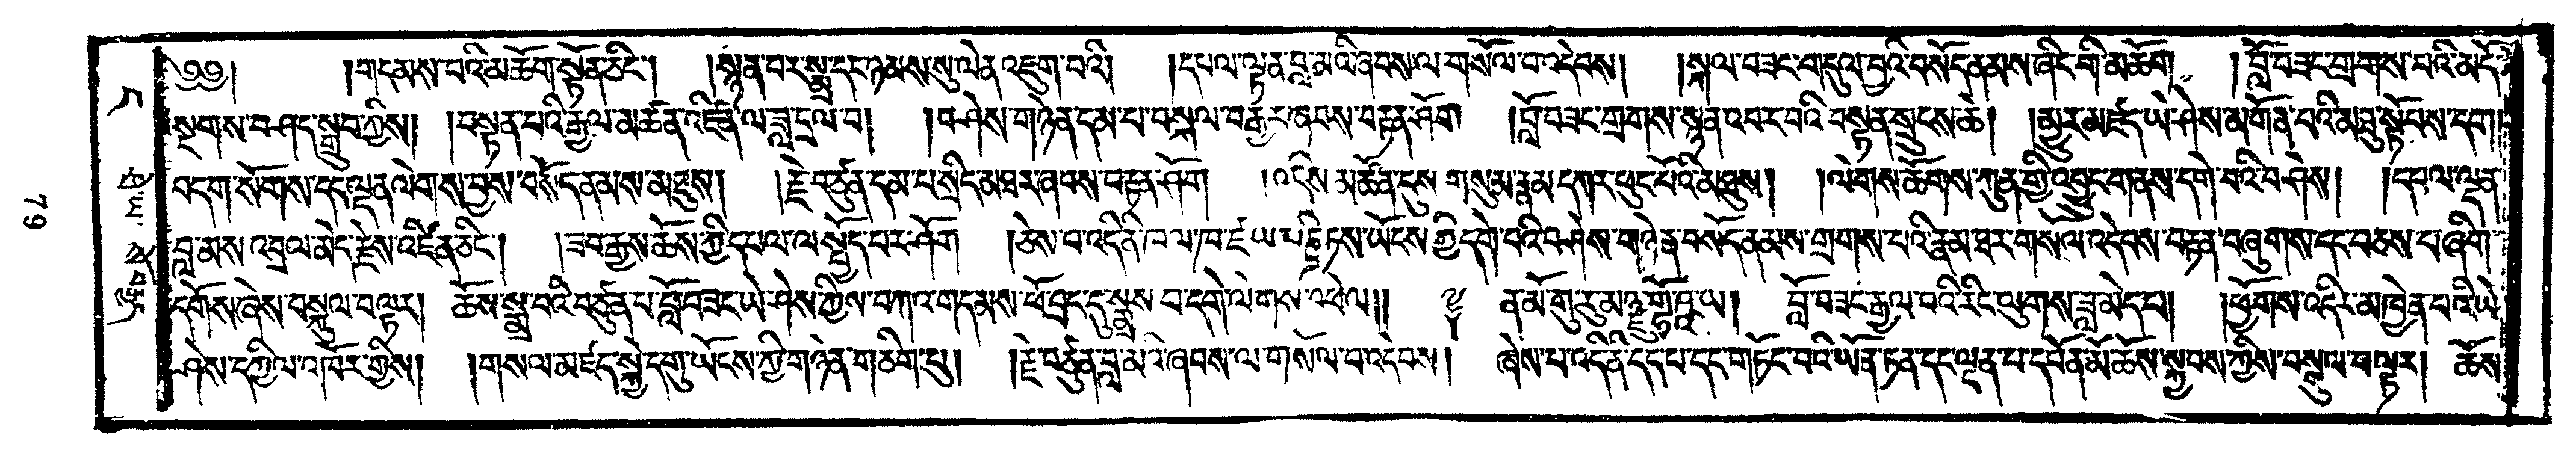༄༅། །གདམས་པའི་མཆོག་སྟོན་ཅིང་། །སྙན་བར་སྨྲ་དང་ཉམས་སུ་ལེན་འཇུག་བའི། །དཔལ་ལྡན་བླ་མའི་ཞབས་ལ་གསོལ་བ་འདེབས། །སྐལ་བཟང་གདུལ་བྱའི་བསོད་ནམས་ཞིང་གི་མཆོག །བློ་བཟང་གྲགས་པའི་མདོ་
སྔགས་བཤད་སྒྲུབ་ཀྱིས། །བསྟན་པའི་རྒྱལ་མཚན་འཛིན་ལ་ཟླ་དྲལ་བ། །བཤེས་གཉེན་དམ་པ་བསྐལ་བརྒྱར་ཞབས་བརྟན་ཤོག །བློ་བཟང་གྲགས་སྙན་འབར་བའི་བསྟན་སྲུངས་ཆེ། །མྱུར་མཛད་ཡེ་ཤེས་མགོན་བའི་མཐུ་སྟོབས་དག།
བདག་སོགས་དང་ལྡན་ལེགས་བྱས་བསོད་ནམས་མཐུས། །རྗེ་བཙུན་དམ་པ་སྲིད་མཐར་ཞབས་བརྟན་ཤོག །འདིས་མཚོན་དུས་གསུམ་རྣམ་དཀར་ཕུང་པོའི་མཐུས། །ལེགས་ཆོགས་ཀུན་གྱི་འབྱུང་གནས་དགེ་བའི་བཤེས། །དཔལ་ལྡན་
བླ་མས་འབྲལ་མེད་རྗེས་འཛིན་ཅིང་། །ཟབ་རྒྱས་ཆོས་ཀྱི་དཔལ་ལ་སྤྱོད་པར་ཤོག །ཅེས་བ་འདི་ནི་ཁལ་ཁ་ཛ་ཡ་པཎྜི་ཏས་ཡོངས་ཀྱི་དགེ་བའི་བཤེས་གཉེན་བསོད་ནམས་གྲགས་པའི་རྣམ་ཐར་གསོལ་འདེབས་བརྟན་བཞུགས་དང་བཅས་པ་ཞིག་
དགོས་ཞེས་བསྐུལ་བ་ལྟར། ཆོས་སྨྲ་བའི་བཙུན་པ་བློ་བཟང་ཡེ་ཤེས་ཀྱིས་བཀའ་གདམས་ཕོ་བྲང་དུ་སྨྲས་བ་དགེ་ལེགས་འཕེལ།། ༈ ན་མོ་གུ་རུ་མཉྫུ་གྷོ་ཥཱ་ཡ། བློ་བཟང་རྒྱལ་བའི་རིང་ལུགས་ཟླ་མེད་པ། །ཕྱོགས་འདིར་མཁྱེན་པའི་ཡེ་
ཤེས་དཀྱིལ་འཁོར་གྱིས། །གསལ་མཛད་སྐྱེ་དགུ་ཡོངས་ཀྱི་གཉེན་གཅིག་པུ། །རྗེ་བཙུན་བླ་མའི་ཞབས་ལ་གསོལ་བ་འདེབས། ཞེས་པ་འདི་ནི་དད་པ་དང་གཏོང་བའི་ཡོན་ཏན་དང་ལྡན་པ་དཔོན་མོ་ཆོས་སྐྱབས་ཀྱིས་བསྒུལ་བ་ལྟར། ཆོས་